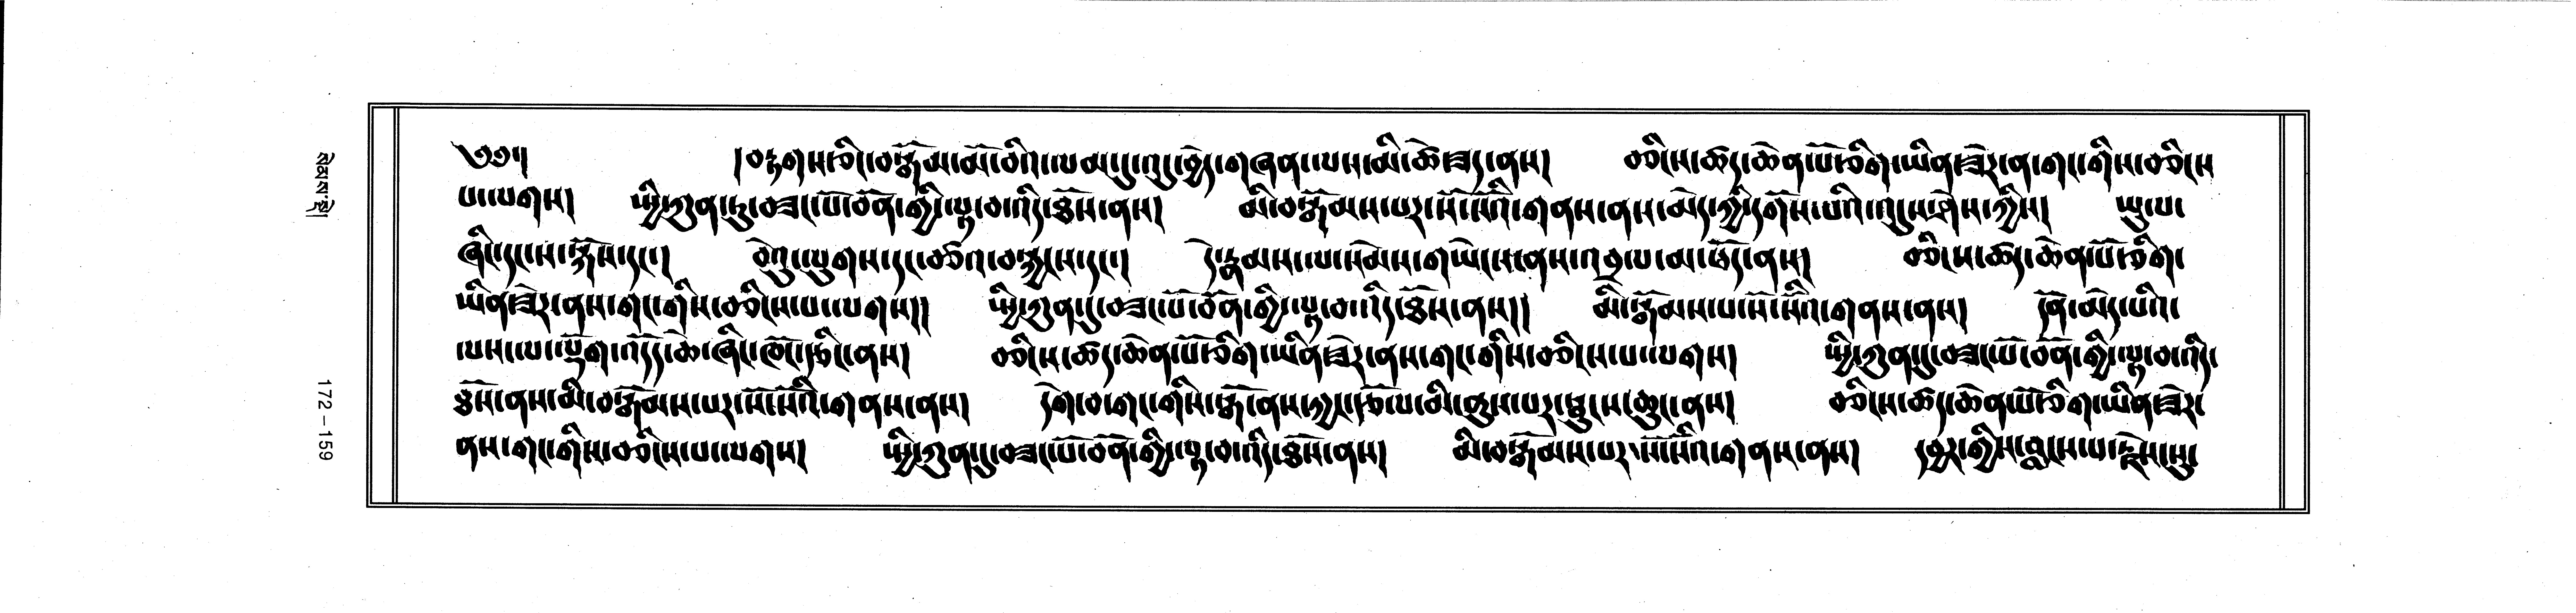ལམ་དུ་འདུ་བྱེད་གཞན་ལས་མི་ཚེ་ཟད་ནས། བཅིངས་ཚད་ཆེན་པོ་ཅིག་ཡིན་ཟེར་ན་གང་གིས་བཅིངས་
པ་ལགས། སྤྱི་ཀུན་ཏུ་བཟང་པོ་བོན་གྱི་ལྟ་བ་འདི་ཐོས་ནས། མི་བསྒོམས་པར་སོ་སོའི་གནས་ནས་མེད་ཀྱི་དགོས་པའི་འདུས་ཤེས་ཀྱིས། ཡུལ་
ཞིང་དང་ས་སྐོས་དང་། བེའུ་ལུག་དང་བཙའ་བསྐྱངས་དང་། དེ་རྣམས་ལ་སེམས་གཡེང་ནས་འབྲལ་མ་ཕོད་ནས། བཅིངས་ཚད་ཆེན་པོ་ཅིག་
ཡིན་ཟེར་ནས་གང་གིས་བཅིངས་པ་ལགས། སྤྱི་ཀུན་དུ་བཟང་པོ་བོན་གྱི་ལྟ་བ་འདི་ཐོས་ནས། མ་སྒོམས་པ་སོ་སོའི་གནས་ནས། དོན་མེད་པའི་
ལས་ལ་ལྡོག་འདོད་ཆེ་ཞིང་ཁོང་རྩིང་ནས། བཅིངས་ཚད་ཆེན་པོ་ཅིག་ཡིན་ཟེར་ནས་གང་གིས་བཅིངས་པ་ལགས། སྤྱི་ཀུན་དུ་བཟང་པོ་བོན་གྱི་ལྟ་བ་འདི་
ཐོས་ནས་མི་བསྒོམས་པར་སོ་སོའི་གནས་ནས། དགེ་བ་གང་གིས་སྒོ་ནས་ཀྱང་རྩོལ་མི་ནུས་པར་སྦུངས་ཆུང་ནས། བཅིངས་ཚད་ཆེན་པོ་ཅིག་ཡིན་ཟེར་
ནས་གང་གིས་བཅིངས་པ་ལགས། སྤྱི་ཀུན་དུ་བཟང་པོ་བོན་གྱི་ལྟ་བ་འདི་ཐོས་ནས། མི་བསྒོམས་པར་སོ་སོའི་གནས་ནས། དབྱར་གྱིས་བླངས་པ་རྗེས་སུ་